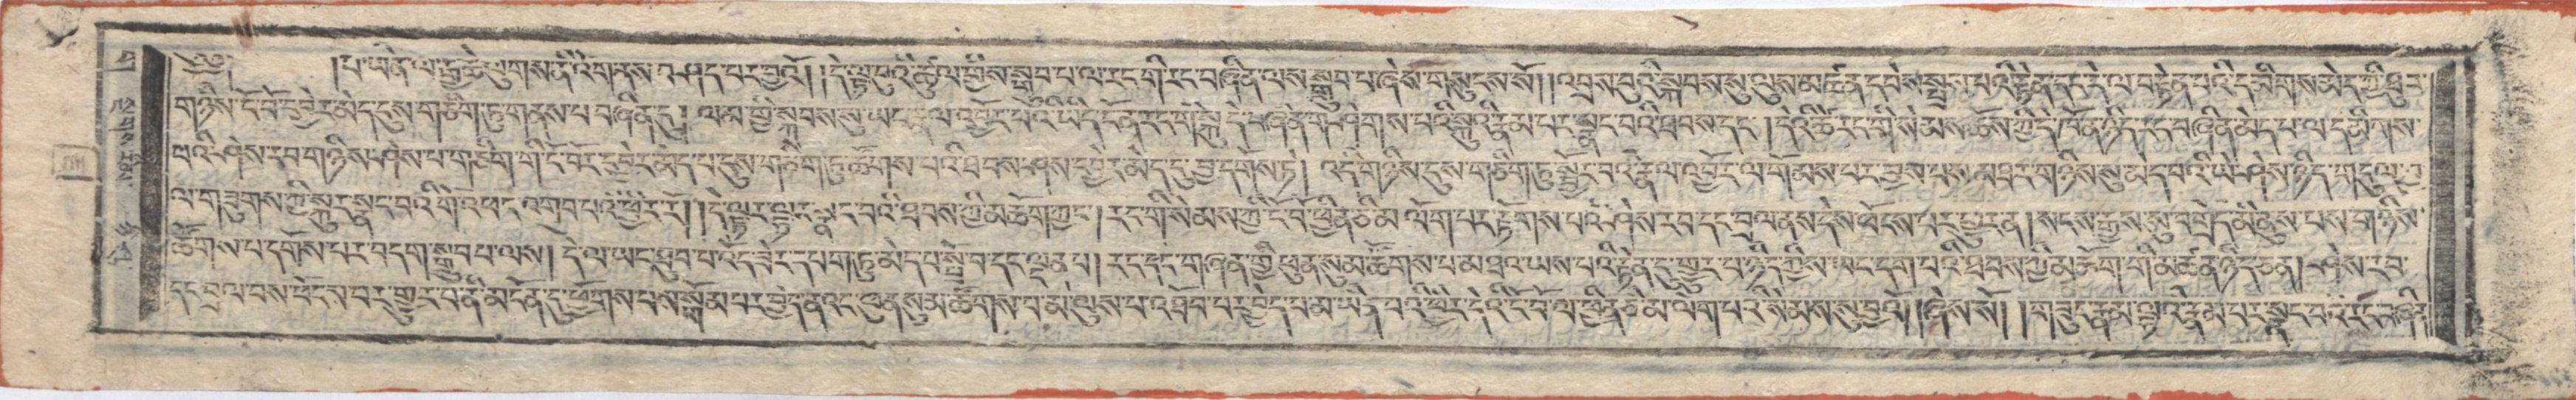༄༅། །པ་ཡིན་ལ་རྒྱ་ཆེ་ལུགས་ནི་འོག་ནས་བཤད་པར་བྱའོ། །དེ་ལྟ་བུའི་ཚུལ་གྱིས་སྒྲུབ་པ་ལ་རང་གི་རང་བཞིན་ལས་སྒྲུབ་པ་ཞེས་གསུངས་སོ། །འབྲས་བུའི་སྐབས་སུ་ལུས་མཚན་དཔེས་སྤྲས་པའི་རྟེན་དང་དེ་ལ་བརྟེན་པའི་དམིགས་མེད་ཀྱི་ཐུར་
གཉིས་ངོ་བོ་དབྱེར་མེད་དུས་གཅིག་ཏུ་གནས་པ་བཞིན་དུ། ལམ་གྱི་སྐབས་སུ་ཡང་རྣལ་འབྱོར་པའི་ཡིད་ངོ་ན་རང་གི་སྐུ་དེ་བཞིན་གཤེགས་པའི་སྐུའི་རྣམ་པར་སྣང་བའི་ཐབས་དང་། དེའི་ཚེ་རང་གི་སེམས་ཆོས་ཀྱི་དེ་ཁོ་ན་ཉིད་རང་བཞིན་མེད་པ་ལ་དམིགས་
པའི་ཤེས་རབ་གཉིས་ཤེས་པ་གཅིག་གི་ངོ་བོར་དབྱེར་མེད་པ་དུས་གཅིག་ཏུ་ཚོགས་པའི་ཐབས་ཤས་དབྱེར་མེད་དུ་བྱ་དགོས་ཏེ། འདི་གཉིས་དུས་གཅིག་ཏུ་སྦྱོར་བའི་རྣལ་འབྱོར་ལ་གོམས་པར་བྱས་པས་མཐར་གཉིས་སུ་མེད་པའི་ཡེ་ཤེས་ཉིད་གདུལ་བྱ་
ལ་གཟུགས་ཀྱི་སྐུར་སྣང་བའི་གོ་འཕང་འགྲུབ་པའི་ཕྱིར་རོ། །དེ་ལྟར་ལྷར་སྣང་བའི་ཐབས་ཀྱི་མཆོག་ཀྱང་། རང་གི་སེམས་ཀྱི་ངོ་བོ་ཕྱིན་ཅི་མ་ལོག་པར་རྟོགས་པའི་ཤེས་རབ་དང་བྲལ་ནས་དེས་ཕོངས་པར་གྱུར་ན། སངས་རྒྱས་སུ་བགྲོད་མི་ནུས་པས་གཉིས་
ཚོགས་པ་དགོས་པར་བདག་སྒྲུབ་པ་ལས། དེ་ལ་ཡང་ཐུབ་པ་འོད་ཟེར་དཔག་ཏུ་མེད་པ་སྤྲོ་བ་དང་ལྡན་པ། རང་དང་གཞན་གྱི་ཕུན་སུམ་ཚོགས་པ་མཐའ་ཡས་པའི་རྟེན་དུ་གྱུར་པ་ཉིད་ཀྱིས་ཡང་དག་པའི་ཐབས་ཀྱི་མཆོག་གི་མཚན་ཉིད་ཅན། ཤེས་རབ་
དང་བྲལ་བས་ཕོངས་པར་གྱུར་པ་ནི་མངོན་དུ་ཕྱོགས་པས་སྒོམ་པར་བྱེད་ནའང་ཕུན་སུམ་ཚོགས་པ་མ་ལུས་པ་འཐོབ་པར་བྱེད་པ་མ་ཡིན་པའི་ཕྱིར་དེའི་ངོ་བོ་ལ་ཕྱིན་ཅི་མ་ལོག་པའི་སེམས་སུ་བྱའོ། །ཞེས་སོ། །གཟུང་རྣམ་ལྷའི་རྣམ་པར་སྣང་བའི་རང་བཞིན་